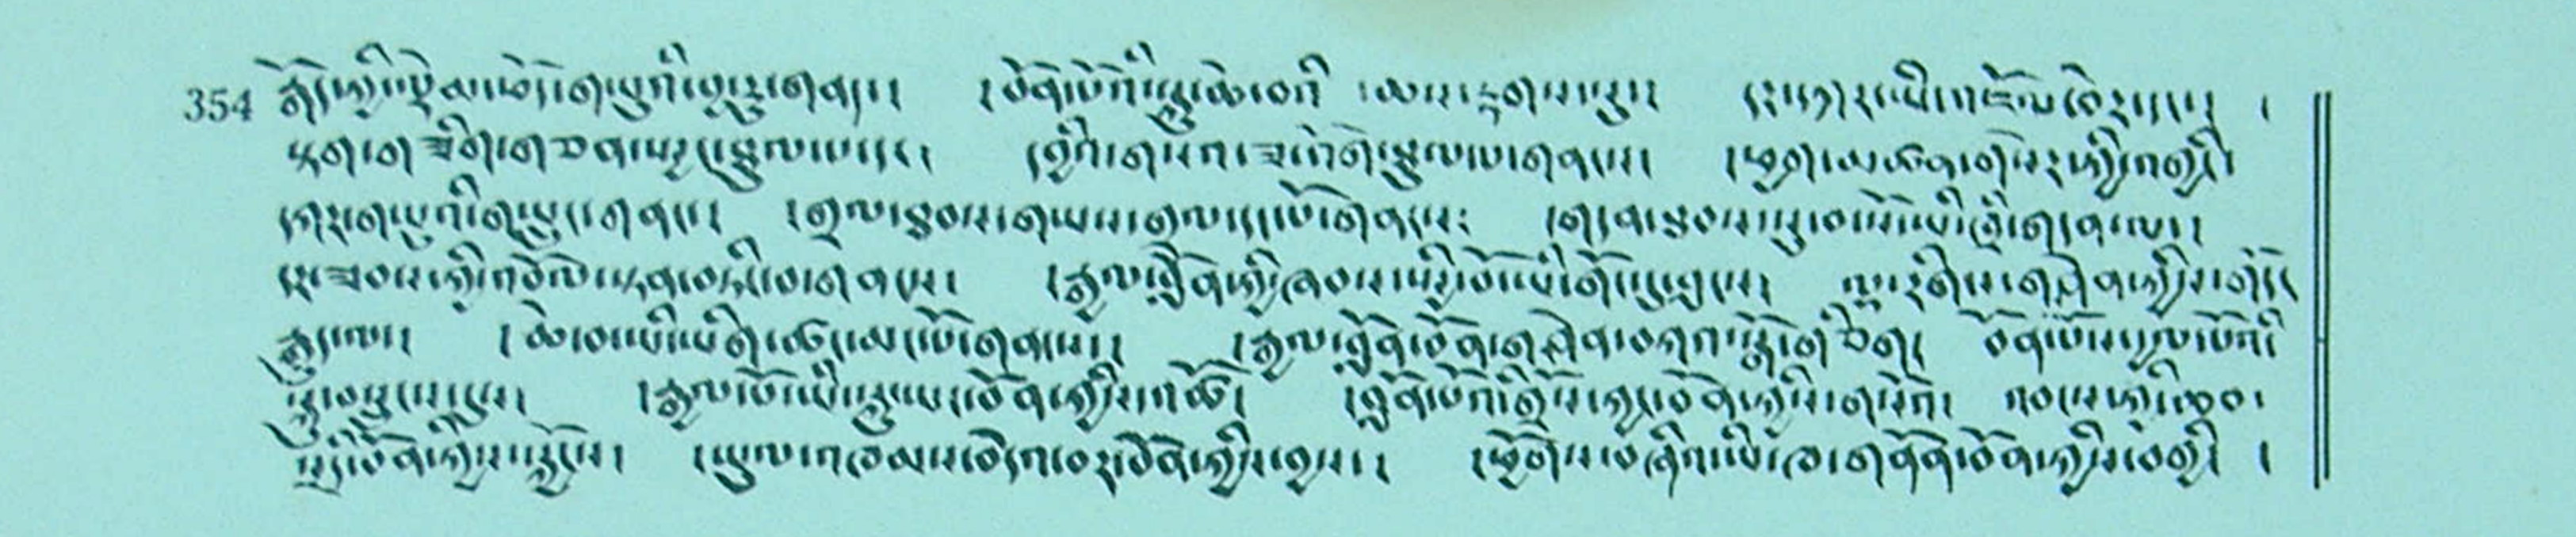རྒོད་ཀྱི་ལྡེམ་ཕོད་བོད་གཡུའི་བྱ་རུ་གནང་། བོན་པོའི་སྐུ་ཆེ་བའི་ཆས་རྟགས་སུ། དར་དཀར་གྱི་འཇོལ་བེར་དང་། 
སྟག་གཟིག་གཅན་སྤྱང་ཐུལ་བ་དང་། དབྱི་གསའ་ཟ་འོག་ཐུལ་བ་གནང་། ཕྱག་མཚན་གསེར་གྱི་འགྱིང་
དཀར་གཡུའི་གཡུང་དྲུང་གནང་། གྲལ་ཐབས་སུ་གཡས་གྲལ་གྱི་དང་པོ་གནང་། གདན་ཐབས་སུ་བ་སོ་ཡི་ཁྲི་གདན་ལ།
 དར་ཟབ་ཀྱི་འབོལ་སྟན་བཏིང་བ་གནངས། རྒྱལ་བློན་རྣམས་ཀྱི་ཞབས་སྤྱི་བོ་ཡི་གོང་དུ་བླངས། ལྷ་རིགས་གཤེན་གྱི་གདུང་
རྒྱུད་དང་། ཆེ་བའི་ཡིག་ཚང་མང་པོ་གནང་། རྒྱལ་བློན་བོན་གཤེན་བཀའ་སྒོ་གཅིག བོན་པོས་རྒྱལ་བོའི་སྐུ་བསྲུངས་དུས། རྒྱལ་བོའི་
སྐུ་ཡང་བོན་གྱིས་འཚོ། བློན་པོའི་གྲོས་ཀྱང་བོན་གྱིས་བྱས། འབངས་ཀྱི་ཆབ་
སྲིད་བོན་གྱིས་སྐྱོངས། ཡུལ་ཁམས་བདེ་བར་བོན་གྱིས་བྱས། ཕྱོགས་བཞིའི་ཁ་གནོན་བོན་གྱིས་བགྱིས།